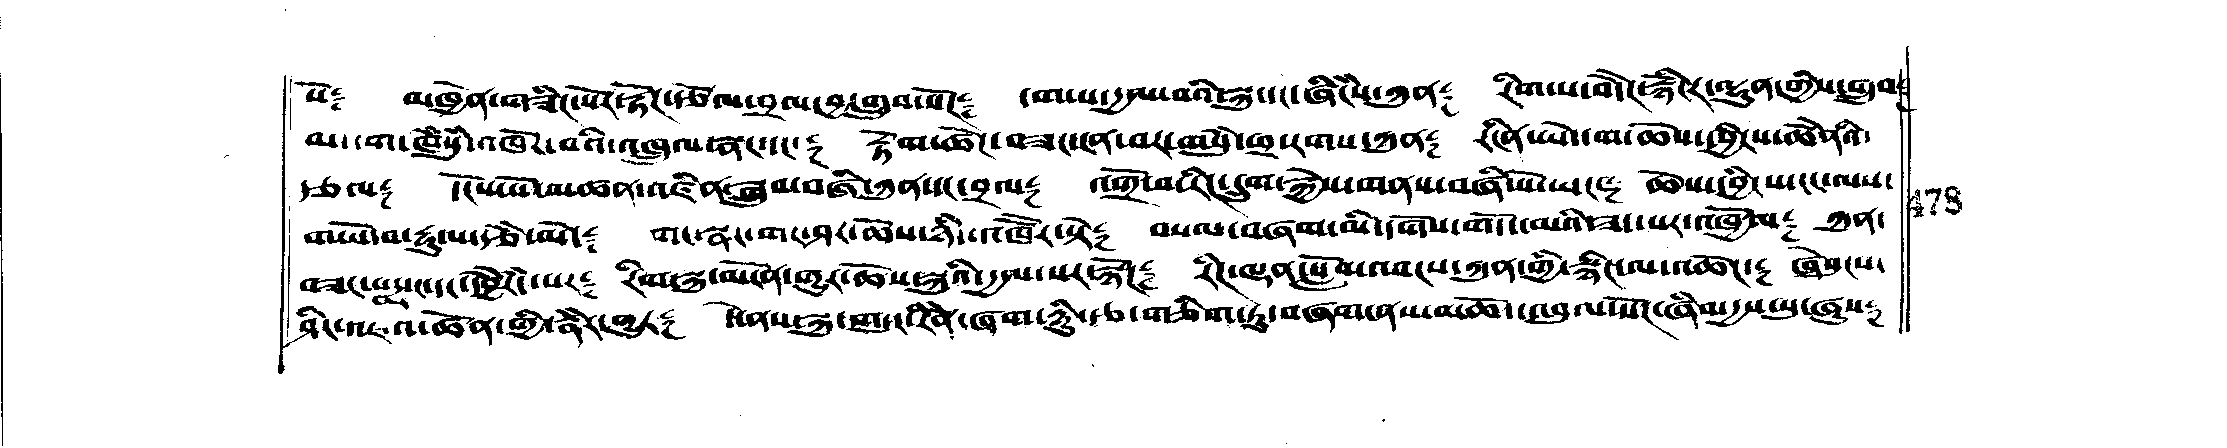སོ། །མཁྱེན་གཟིགས་སོརར་རྟོགས་རྩོལ་བྲལ་བྱ་གྲུབ་སོགས། །དག་པ་རྒྱལ་བའི་སྐུ་དང་ཞིང་ཁམས་ཀུན། །རིག་པ་བདེ་བཤེགས་སྙིང་པོར་ལྷུན་གྱིས་གྲུབ། །
མ་དག་ཁམས་གསུམ་འཁོར་བའི་འཁྲུལ་སྣང་དང་། །རྟོག་ཚོགས་བཟང་ངན་བར་གསུམ་ཕྲ་རགས་ཀུན། །རང་བཞིན་ཡེ་དག་ཆོས་དབྱིངས་ཆེན་པོའི་
རྩལ། །དངོས་པོ་མཚན་འཛིན་སྒྲུབ་གཞི་ཀུན་དང་བྲལ་། །འགྲོ་བ་རིགས་དྲུག་སྐྱེ་གནས་བཞི་པོ་ཡང་། །ཆོས་དབྱིངས་ངང་ལས་
གཡོ་བ་རྡུལ་ཙམ་མེད། །གང་སྣང་གང་ཤར་ཆོས་ཉིད་འཁོར་ལོ་སྟེ། །བསལ་བཞག་མི་དགོས་གདོད་མའི་ཟད་སར་འཁྱོལ། །ཀུན་
བཟང་པདྨ་ང་དང་དབྱེར་མེད་པར། །རིག་སྐུ་མངོན་གྱུར་ཆོས་སྐུའི་རྒྱལ་སར་སྙོགས། །རིགས་ལྡན་སློབ་འབངས་ཀུན་གྱི་སྙིང་ལ་ཆོངས། །ཞེས་གསུངས་
ཤིང་འཇའ་ཚོན་གྱི་རྣམ་པར་གྱུར།དེ་ནས་སྐུ་གདུང་རིན་པོ་ཆེ་ཞག་ཉི་ཤུ་གཅིག་ཏུ་བཞག་ནས་མཆོད་འབུལ་སོགས་ཞིབ་རྒྱས་སུ་ཞུས།